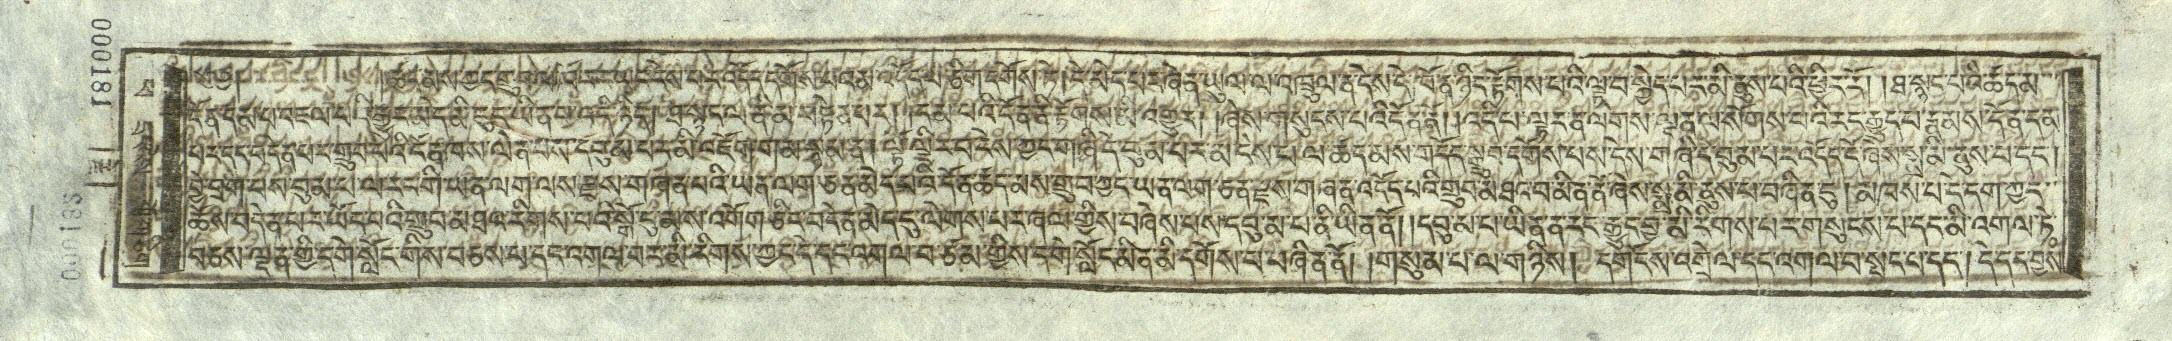༄༅། །ཚད་མས་ཀྱང་གྲུབ་ལ་ཁོ་རང་ཡང་ངེས་པར་འདོད་དགོས་པའམ་འདོད་པ་ཅིག་དགོས་ཏེ། དེ་མེད་པར་ཞེན་ཡུལ་ལ་འཁྲུལ་ན་དེས་དེ་ཁོ་ན་ཉིད་རྟོགས་པའི་ལྟ་བ་སྐྱེད་པར་མི་ནུས་པའི་ཕྱིར་རོ། །ཐ་སྙད་པའི་ཚད་མ་
དོན་དམ་པ་འཇལ་བའི་རྒྱུར་མེད་མི་རུང་ཡིན་པ་འདི་ཉིད། ཐ་སྙད་ལ་ནི་མ་བརྟེན་པར། །དམ་པའི་དོན་ནི་རྟོགས་མི་འགྱུར། །ཞེས་གསུངས་པའི་དོན་ནོ། །འདི་པ་ལྟར་ན་ལེགས་ལྡན་ལ་སོགས་པའི་རང་རྒྱུད་པ་རྣམས་དོན་དམ་
པར་དང་བདེན་པར་གྲུབ་པའི་དོན་ཁས་ལེན་པས་དབུ་མ་པར་མི་འཇོག་གམ་སྙམ་ན། ལྟོ་ལྡིར་བ་ངེས་ཀྱང་གཞི་དེ་བུམ་པར་མ་ངེས་པ་ལ་ཚད་མས་གདོད་སྒྲུབ་དགོས་པས་དེས་གཞི་དེ་བུམ་པར་འདོད་དོ་ཞེས་སྨྲ་མི་ནུས་པ་དང་།
བྱེ་བྲག་པས་བུམ་པ་ལ་རང་གི་ཡན་ལག་ལས་རྫས་གཞན་པའི་ཡན་ལག་ཅན་མེད་པའི་དོན་ཚད་མས་གྲུབ་ཀྱང་ཡན་ལག་ཅན་རྫས་གཞན་འདོད་པའི་གྲུབ་མཐའ་བ་མིན་ནོ་ཞེས་སྨྲ་མི་ནུས་པ་བཞིན་དུ། མཁས་པ་དེ་དག་ཀྱང་
ཆེས་བདེན་པར་ཡོད་པའི་གྲུབ་མཐའ་རིགས་པའི་སྒོ་དུ་མས་འགོག་ཅིང་བདེན་མེད་དུ་ལེགས་པར་ཞལ་གྱིས་བཞེས་པས་དབུ་མ་པ་ནི་ཡིན་ནོ། །དབུ་མ་པ་ཡིན་ན་རང་རྒྱུད་བྱ་མི་རིགས་པར་གསུངས་པ་དང་མི་འགལ་ཏེ་
བཅས་ལྡན་གྱི་དགེ་སློང་གིས་བཅས་པ་དང་འགལ་བར་མི་རིགས་ཀྱང་དེ་དང་འགལ་བ་ཙམ་གྱིས་དགེ་སློང་མིན་མི་དགོས་པ་བཞིན་ནོ། །གསུམ་པ་ལ་གཉིས། དགོངས་འགྲེལ་དང་འགལ་བ་སྤང་བ་དང་། དེ་དང་བྱས་